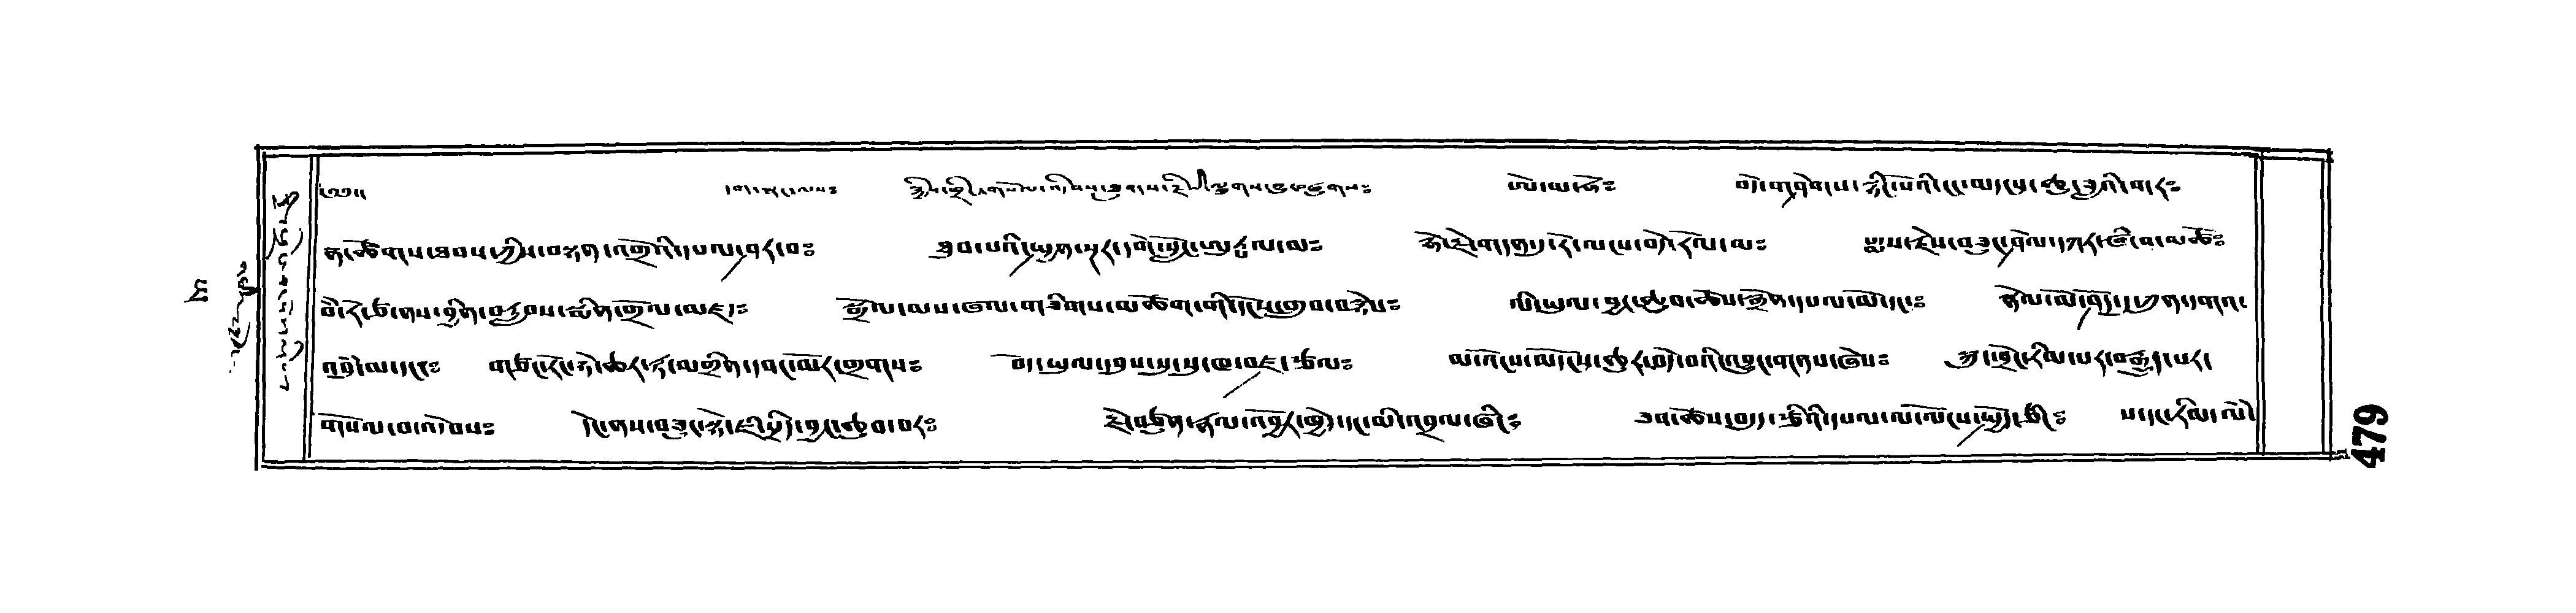དག་སྣང་ལས༔ སྐྱེས་ཕྲེང་གསོལ་འདེབས་ཐུགས་རྗེའི་ལྕགས་ཀྱུ་བཞུགས༔ ཨེ་མ་ཧོ༔ བདེ་གཤེགས་སྙིང་པོའི་ངང་མདངས་ཆུ་ཟླའི་གར༔ 
སྣ་ཚོགས་ཐབས་ཀྱིས་བསྟན་འགྲོའི་དཔལ་ཤར་བ༔ ཐུབ་པའི་སྤྱན་སྔར་དགེ་སློང་ཨུཏྤལ་མ༔ རྡོ་རྗེ་གདན་དུ་རོ་ལངས་བདེ་རོལ་མ༔ པདྨས་རྗེས་བཟུང་ཤེལ་དཀར་ཞི་བ་མཚོ༔ 
བཻ་རོ་ཙ་ནས་བྱིན་བརླབས་སྨིན་གྲོལ་མཛད༔ སྒྲོལ་མས་ཞལ་གཟིགས་མཆོག་གི་དངོས་གྲུབ་བརྙེས༔ ལི་ཡུལ་བྱང་ཆུབ་ཆོས་སྒྲོན་དཔལ་མོ་དང༔ སྣེལ་མོ་ཤོད་དུ་ཀུན་དགའ་
འབུམ་མ་དང༔ གཙང་རོང་ཉེ་ཆར་རྟ་མགྲིན་དབང་མོར་གྲགས༔ བོད་ཡུལ་དབུས་སུ་སུ་ཁ་བཛྲ་རྩལ༔ མ་འོངས་མདོངས་ཆུར་བདེ་བའི་འབྱུང་གནས་ཞེས༔ སྐུ་ཕྲེང་རིམ་པར་བརྒྱུད་པར་
གསོལ་བ་འདེབས༔ དེང་ནས་བཟུང་སྟེ་ཇི་སྲིད་བྱང་ཆུབ་བར༔ རྗེ་བཙུན་རྣལ་འབྱོར་ཁྱེད་དང་མི་འབྲལ་ཞིང༔ ཟབ་ཆོས་བདུད་རྩིའི་དཔལ་ལ་ལོངས་སྤྱོད་ཅིང༔ ས་དང་ལམ་